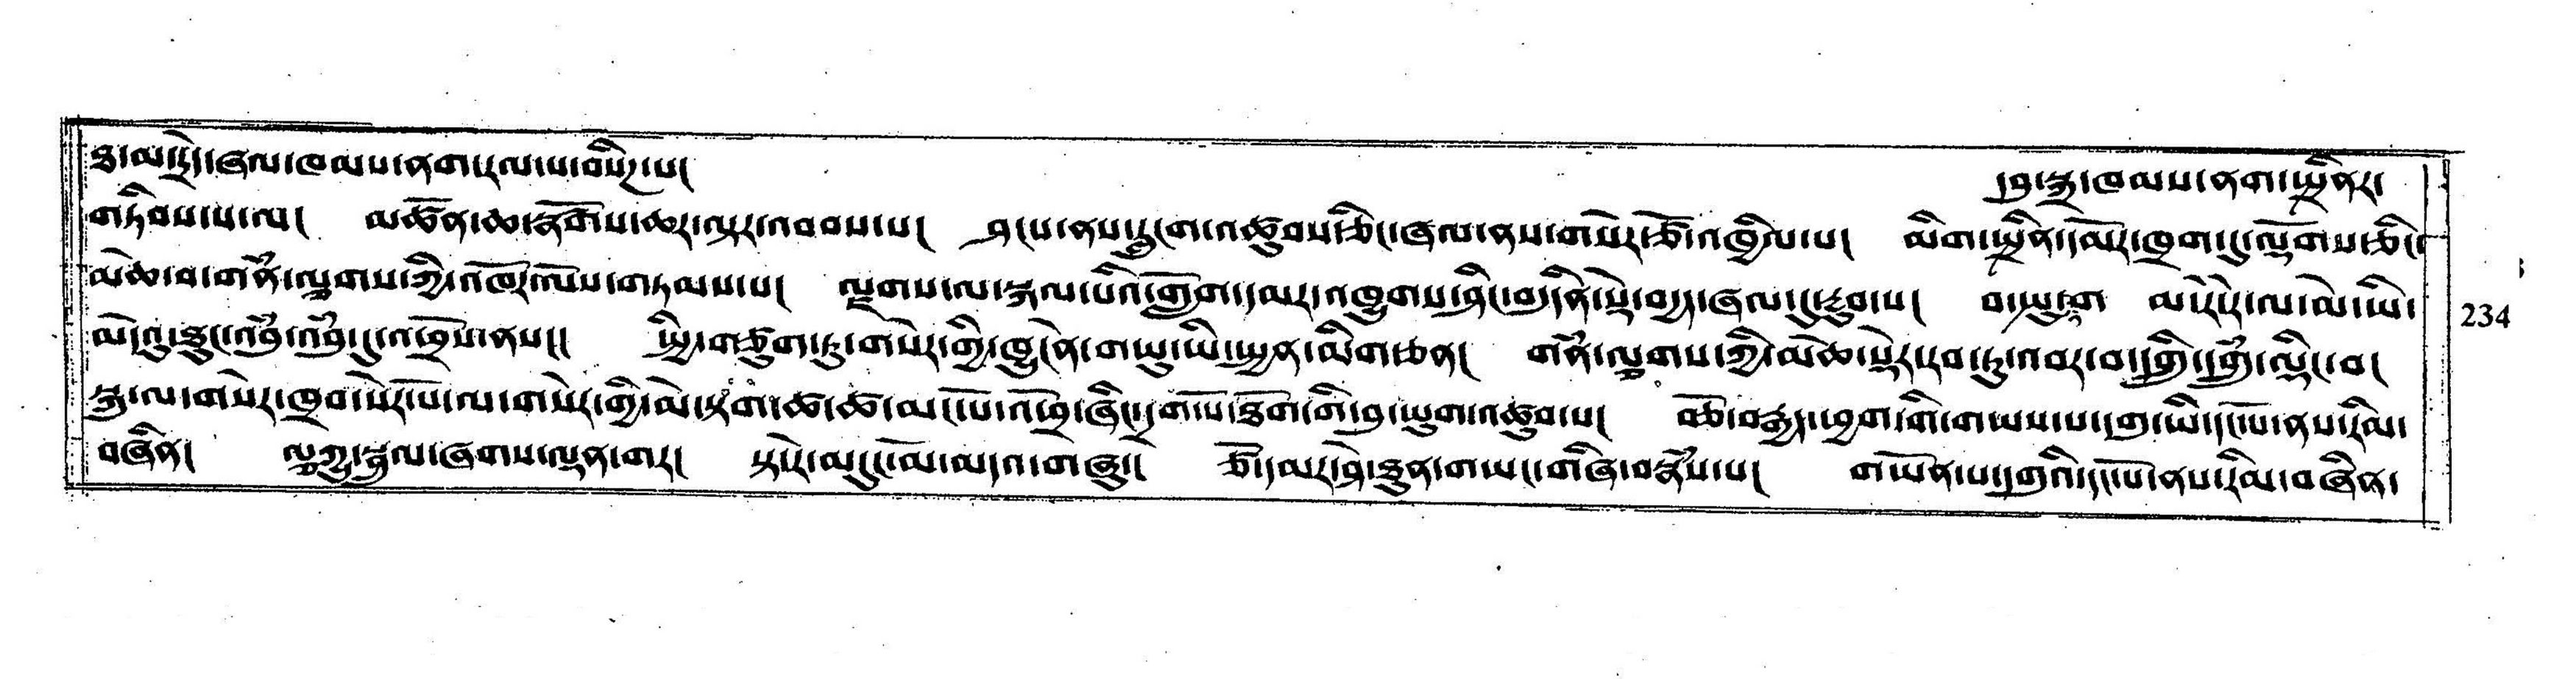ཐ་མ་དྲེད་ཞལ་ཁམས་ནག་རལ་པ་བསིགས་པ། དབུ་སྐྲ་ཁམས་ནག་སྤྲིན་ལྟར་
གཏིབས་པ་ལ། མཚོན་ཆ་སྣ་ཚོགས་ཆར་ལྟར་འབབས་པ། ཤངས་ནས་རླུང་ནག་འཚུབས་ཅིང་ཞལ་ནས་གསེར་ཙེ་འཁྱིལ་པ། མིག་སྤྲིན་དམར་པོ་ཁྲག་དུ་ལྡོགས་ཅིང་
མཆེ་བ་གནམ་ལྕགས་ཀྱི་འཁོར་ལོས་གཏམས་པ། ལྗགས་ལ་སྐལ་པའི་གློག་དམར་འཁྱུགས་ཤིང་བདུད་སྲིན་སྡེ་བརྒྱད་ཞལ་དུ་རྔུབ་པ། བ་སྤུ་ཉག་མ་རེ་རེ་ལ་མེ་ཡི་
མདེའུ་ཐུང་འབུམ་འབུམ་དུ་འཕྲོས་ནས།། སྤྱི་གཙུག་ཏུ་གསེར་གྱི་ཁྱུང་ཆེན་གཡུ་ཡི་སྤྱན་མིག་ཅན། གནམ་ལྕགས་ཀྱི་མཆེ་སྡེར་རབ་ཏུ་འབར་བ་དགུ་ཁྲི་དགུ་འབུམ་ལྡིང་བ། 
སྐུ་ལ་གསེར་ཁྲབ་སེར་པོ་ལ་གསེར་གྱི་མེ་སྟག་ཚ་ཚ་མང་པོ་འཕྲོ་ཞིང་དྲག་པོ་ཐོག་གི་བུ་ཡུག་འཚུབ་པ། བཅོ་བརྒྱད་ཕྱག་གི་གཡས་པ་དགུ་ཡི་དང་པོ་ནས་རིམ་
བཞིན། ལྕགས་ཀྱུ་སྦྲུལ་ཞགས་ལྡན་གར། སྟ་རེ་མདུང་མོ་མདའ་གཞུ། ཙོ་དམར་ཤེ་ཐུན་གཡང་གཞི་བསྣམས་པ། གཡོན་པ་དགུའི་དང་པོ་ནས་རིམ་བཞིན་